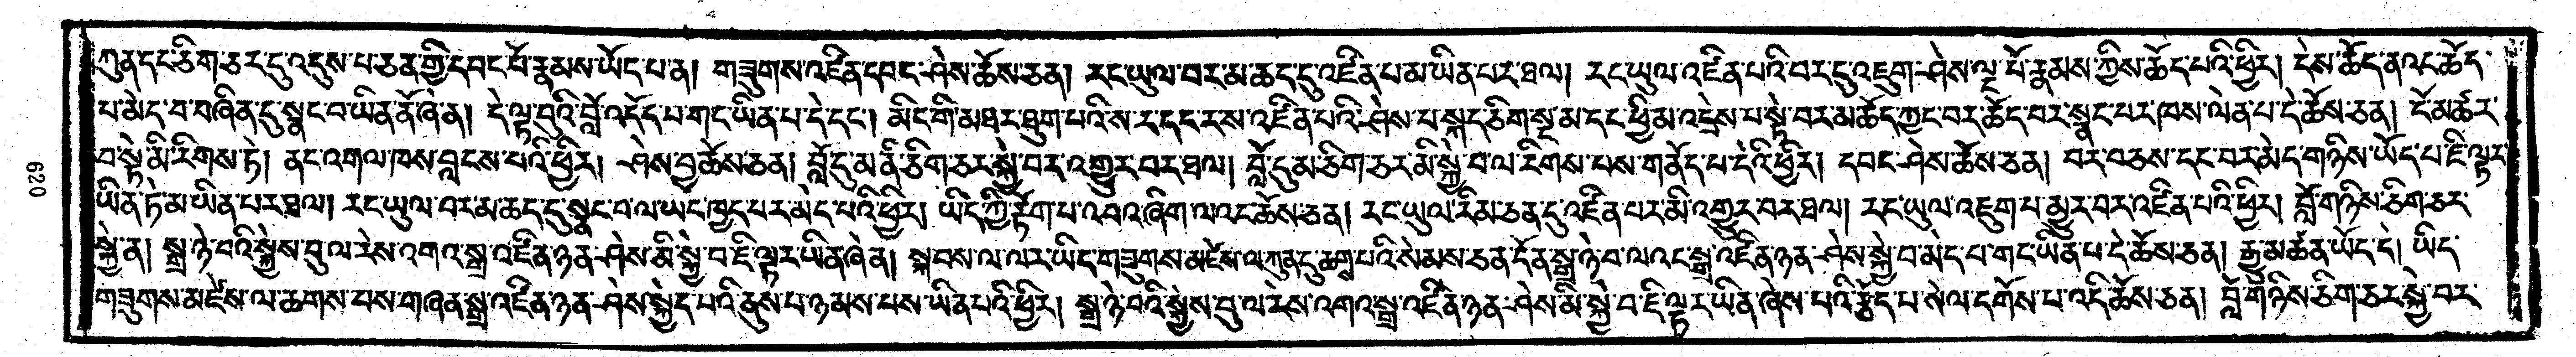ཀུན་དང་ཅིག་ཅར་དུ་འདུས་པ་ཅན་གྱི་དབང་པོ་རྣམས་ཡོད་པ་ན། གཟུགས་འཛིན་དབང་ཤེས་ཆོས་ཅན། རང་ཡུལ་བར་མ་ཆད་དུ་འཛིན་པ་མ་ཡིན་པར་ཐལ། རང་ཡུལ་འཛིན་པའི་བར་དུ་འཇུག་ཤེས་ལྔ་པོ་རྣམས་ཀྱིས་ཆོད་པའི་ཕྱིར། དེས་ཆོད་ནའང་ཆོད་
པ་མེད་པ་བཞིན་དུ་སྣང་བ་ཡིན་ནོ་ཞེ་ན། དེ་ལྟ་བུའི་བློ་འདོད་པ་གང་ཡིན་པ་དེ་དང་། མིང་གི་མཐར་ཐུག་པའི་ས་ར་དང་ར་ས་འཛིན་པའི་ཤེས་པ་སྐད་ཅིག་སྔ་མ་དང་ཕྱི་མ་འདྲེས་པ་སྟེ་བར་མཆོད་ཀྱང་བར་ཆོད་པར་སྣང་པར་ཁས་ལེན་པ་དེ་ཆོས་ཅན། ངོ་མཚར་
བ་སྟེ་མི་རིགས་ཏེ། ནང་འགལ་ཁས་བླངས་པའི་ཕྱིར། ཤེས་བྱ་ཆོས་ཅན། བློ་དུ་མ་ནི་ཅིག་ཅར་སྐྱེ་བར་འགྱུར་བར་ཐལ། བློ་དུ་མ་ཅིག་ཅར་མི་སྐྱེ་བ་ལ་རིགས་པས་གནོད་པ་དེའི་ཕྱིར། དབང་ཤེས་ཆོས་ཅན། བར་བཅས་དང་བར་མེད་གཉིས་ཡོད་པ་ཇི་ལྟར་
ཡིན་ཏེ་མ་ཡིན་པར་ཐལ། རང་ཡུལ་བར་མ་ཆད་དུ་སྣང་བ་ལ་ཡང་ཁྱད་པར་མེད་པའི་ཕྱིར། ཡིད་ཀྱི་རྟོག་པ་འབའ་ཞིག་ལའང་ཆོས་ཅན། རང་ཡུལ་རིམ་ཅན་དུ་འཛིན་པར་མི་འགྱུར་བར་ཐལ། རང་ཡུལ་འཇུག་པ་མྱུར་བར་འཛིན་པའི་ཕྱིར། བློ་གཉིས་ཅིག་ཅར་
སྐྱེ་ན། སྒྲ་ཉེ་བའི་སྐྱེས་བུ་ལ་རེས་འགའ་སྒྲ་འཛིན་ཉན་ཤེས་མི་སྐྱེ་བ་ཇི་ལྟར་ཡིན་ཞེ་ན། སྐབས་ལ་ལར་ཡིད་གཟུགས་མཛེས་ལ་ཀུན་དུ་ཆགས་པའི་སེམས་ཅན་དོན་སྒྲ་ཉེ་བ་ལའང་སྒྲ་འཛིན་ཉན་ཤེས་སྐྱེ་བ་མེད་པ་གང་ཡིན་པ་དེ་ཆོས་ཅན། རྒྱུ་མཚན་ཡོད་དེ། ཡིད་
གཟུགས་མཛེས་ལ་ཆགས་པས་གཞན་སྒྲ་འཛིན་ཉན་ཤེས་སྐྱེད་པའི་ནུས་པ་ཉམས་པས་ཡིན་པའི་ཕྱིར། སྒྲ་ཉེ་བའི་སྐྱེས་བུ་ལ་རེས་འགའ་སྒྲ་འཛིན་ཉན་ཤེས་མི་སྐྱེ་བ་ཇི་ལྟར་ཡིན་ཞེས་པའི་རྩོད་པ་སེལ་དགོས་པ་འདི་ཆོས་ཅན། བློ་གཉིས་ཅིག་ཅར་སྐྱེ་བར་